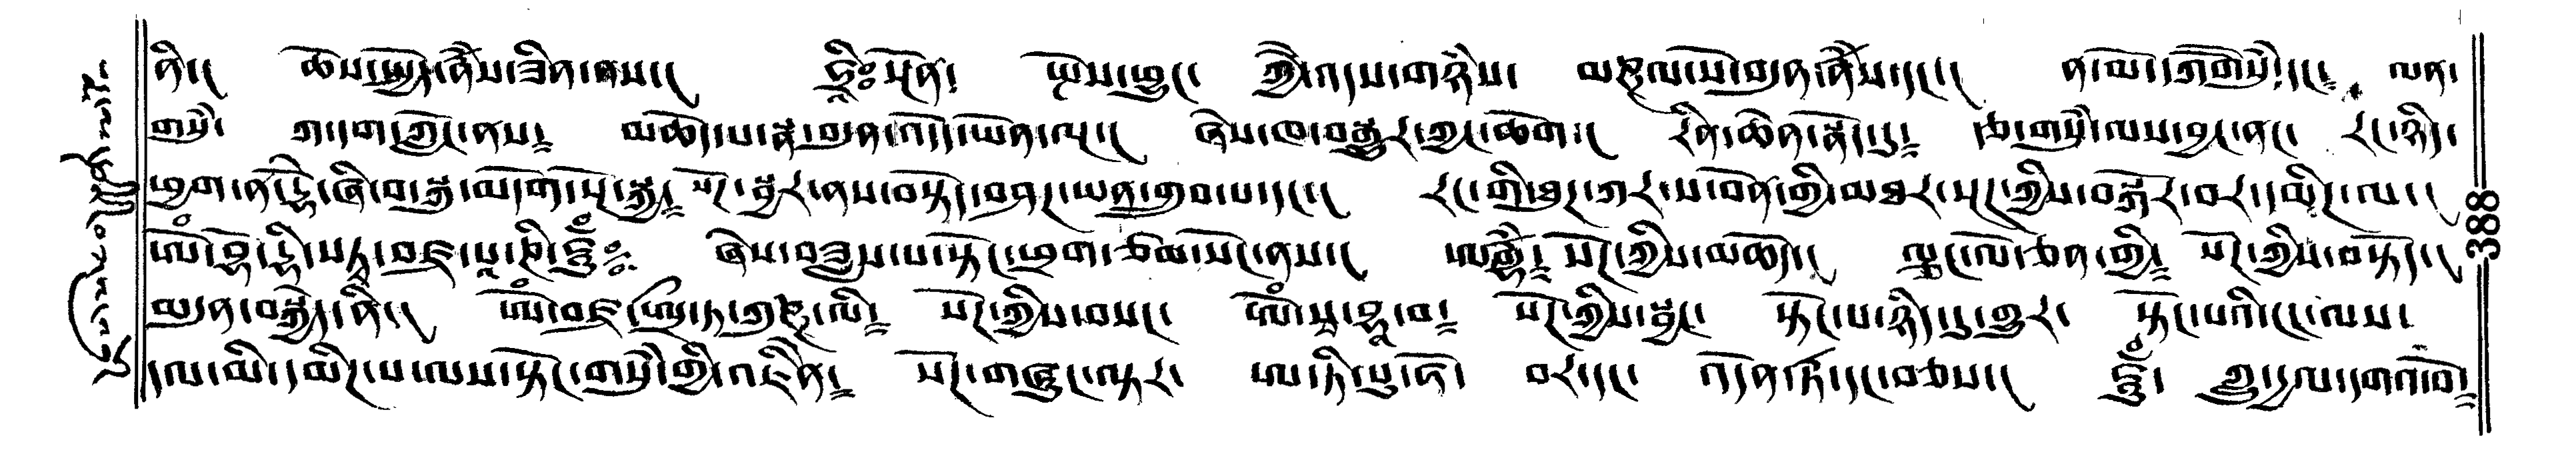ནི། ཆོས་སྤྱོད་རྣམས་ཟིན་ནས། ཧྲཱིཿསྔོན༴ སྤོས་ཕྱུང་། ཀྱཻ་འདས་གཉིས། མཎྜལ་སོ་བདུན་རྣམས་དང་། ན་མོ༔དཀོན་མཆོག་གསུམ་དང༴ ལན་
གསུམ། ཀ་དག་ཀློང་ནས༴ མཆོད་པ་སྣ་བདུན་འདོད་ཡོན་ལྔ༔ ཞེས་ཁ་བསྒྱུར་ཀྱང་ཆོག རིན་ཆེན་སྣོད་དུ༴ རྩ་གསུམ་ལས་བྱང་ནང་། རང་ཉིད་
ཕྱག་ན་རྡོ་རྗེ་ཞེ་བ་སྐུ་མདོག་སྔོ་སྐྱ༴ སོགས་སྦྱར་ནས་བསྟོད་བཤགས་ཡན་གྲུབ་པ་དང་། རང་གི་ཐུགས་ཀར་ས་བོན་གྱི་མཐར་སྔགས་ཀྱིས་བསྐོར་བར་དམིགས་ལ། 
ཨོཾ་བྷོ་དྷི་སཏྭ་བཛྲ་པཱ་ཎི་ཧཱུྃ༔ ཞེས་བཟླས་པ་སྟོང་ཕྲག་ཙམ་སོང་ནས། ཨརྒྷཾ༴ སོགས་ཀྱིས་མཆོད། ལྕང་ལོ་ཅན་གྱི༴ སོགས་ཀྱིས་བསྟོད། 
མདུན་བསྐྱེད་ནི། ཨོཾ་བཛྲ་ཨ་མྲི་ཏ་ཀུཎྜ་ལི༴ སོགས་ཀྱིས་བསང་། ཨོཾ་སྭ་བྷཱ་བ༴ སོགས་ཀྱིས་སྦྱང་། སྟོང་པ་ཉིད་དུ་གྱུར། སྟོང་པའི་ངང་ལས་
དལ་མི་དམིགས་པ་སྟོང་གསུམ་གྱི་འཇིག་རྟེན༴ སོགས་གཞུང་ལྟར། ཨ་ཏི་པུ་ཧོ། བར་དང་། འདོན་རྟ་དང་བཅས། ཧཱུྃ། ཀླུ་རྒྱལ་དགའ་བོ༴